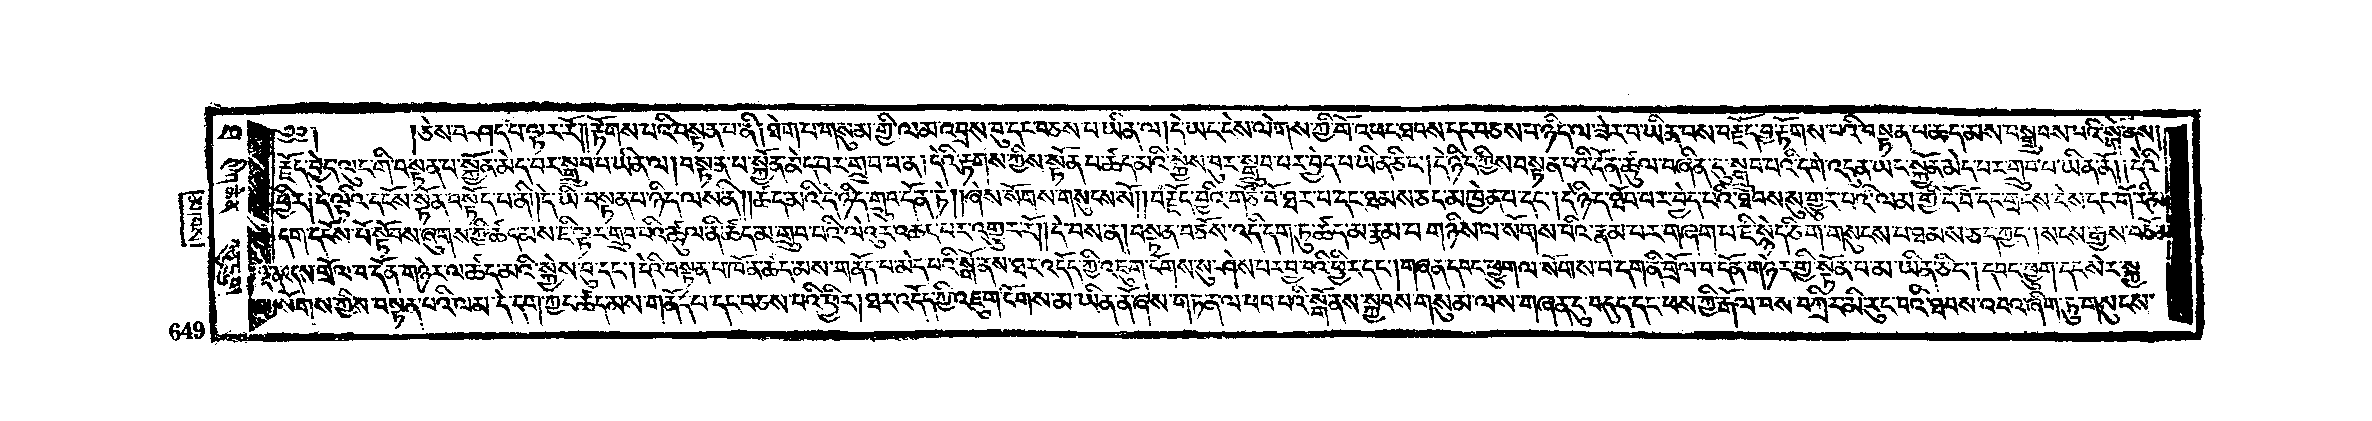༄༅། །ཅེས་བཤད་པ་ལྟར་རོ། །རྟོགས་པའི་བསྟན་པ་ནི། ཐེག་པ་གསུམ་གྱི་ལམ་འབྲས་བུ་དང་བཅས་པ་ཡིན་ལ། དེ་ཡང་ངེས་ལེགས་ཀྱི་གོ་འཕང་ཐབས་དང་བཅས་པ་ཉིད་ལ་ཟེར་བ་ཡིན་པས་བརྗོད་བྱ་རྟོགས་པའི་བསྟན་པ་ཚད་མས་བསྒྲུབས་པའི་སྒོ་ནས།
རྗོད་བྱེད་ལུང་གི་བསྟན་པ་སྐྱོན་མེད་པར་སྒྲུབ་པ་ཡིན་ལ། བསྟན་པ་སྐྱོན་མེད་པར་གྲུབ་པ་ན། དེའི་རྟགས་ཀྱིས་སྟོན་པ་ཚད་མའི་སྐྱེས་བུར་སྒྲུབ་པར་བྱེད་པ་ཡིན་ཅིང་། དེ་ཉིད་ཀྱིས་བསྟན་པའི་དོན་ཚུལ་བཞིན་དུ་སྒྲུབ་པའི་དགེ་འདུན་ཡང་སྐྱོན་མེད་པར་གྲུབ་པ་ཡིན་ནོ། །དེའི་
ཕྱིར། དེ་ལྟའི་དངོས་སྟོན་བསྟོད་པ་ནི། །དེ་ཡི་བསྟན་པ་ཉིད་ལས་ནི། །ཚད་མའི་དེ་ཉིད་གྲུབ་དོན་ཏེ། །ཞེས་སོགས་གསུངས་སོ། །བརྗོད་བྱའི་གཙོ་བོ་ཐར་པ་དང་ཐམས་ཅད་མཁྱེན་པ་དང་། དེ་ཉིད་ཐོབ་པར་བྱེད་པའི་ཐབས་སུ་གྱུར་པའི་ལམ་གྱི་ངོ་བོ་དང་གྲངས་ངེས་དང་གོ་རིམ་
དག་དངོས་པོ་སྟོབས་ཞུགས་ཀྱི་ཚད་མས་ཇི་ལྟར་གྲུབ་པའི་ཚུལ་ནི་ཚད་མ་གྲུབ་པའི་ལེའུར་འཆད་པར་འགྱུར་རོ། །དེ་བས་ན། བསྟན་བཅོས་འདི་དག་ཏུ་ཚད་མ་རྣམ་པ་གཉིས་ལ་སོགས་པའི་རྣམ་པར་གཞག་པ་ཇི་སྙེད་ཅིག་གསུངས་པ་ཐམས་ཅད་ཀྱང་། སངས་རྒྱས་བཅོམ་
ལྡན་འདས་གྲོལ་བ་དོན་གཉེར་ལ་ཚད་མའི་སྐྱེས་བུ་དང་། དེའི་བསྟན་པ་ཁོ་ན་ཚད་མས་གནོད་པ་མེད་པའི་སྒོ་ནས་ཐར་འདོད་ཀྱི་འཇུག་ངོགས་སུ་ཤེས་པར་བྱ་བའི་ཕྱིར་དང་། གཞན་དབང་ཕྱུག་ལ་སོགས་པ་དག་ནི་གྲོལ་བ་དོན་གཉེར་གྱི་སྟོན་པ་མ་ཡིན་ཅིང་། དབང་ཕྱུག་དང་སེར་སྐྱ་
སོགས་ཀྱིས་བསྟན་པའི་ལམ་དེ་དག་ཀྱང་ཚད་མས་གནོད་པ་དང་བཅས་པའི་ཕྱིར། ཐར་འདོད་ཀྱི་འཇུག་ངོགས་མ་ཡིན་ནོ་ཞེས་གཏན་ལ་ཕབ་པའི་སྒོ་ནས་སྐྱབས་གསུམ་ལས་གཞན་དུ་བདུད་དང་ཕས་ཀྱི་རྒོལ་བས་བཀྲིར་མི་རུང་བའི་ཐབས་འབའ་ཞིག་ཏུ་གསུངས་